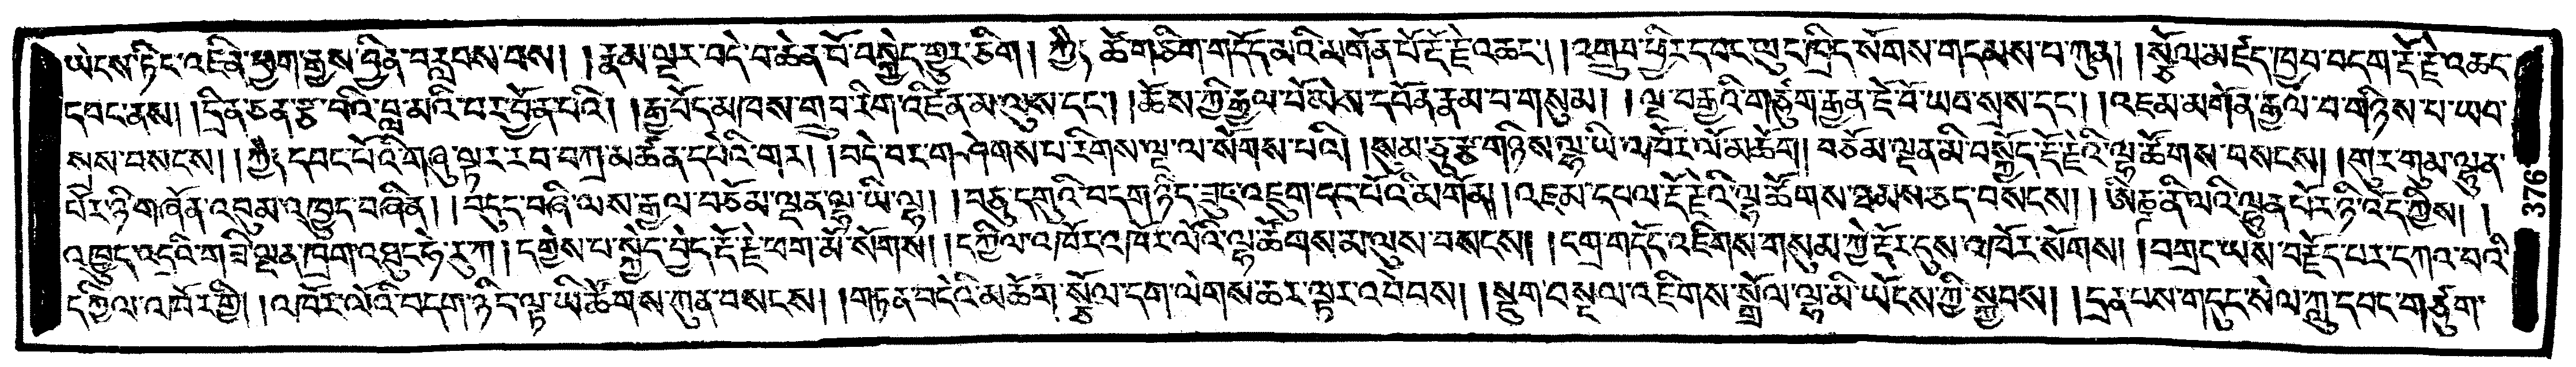ཡེངས་ཏིང་འཛིན་ཕྱག་རྒྱས་བྱིན་བརླབས་བས། །རྣམ་ལྔར་བདེ་བ་ཆེན་པོ་བསྐྱེད་གྱུར་ཅིག །ཀྱཻ། ཚེ་གཅིག་གདོད་མའི་མགོན་པོ་རྡོ་རྗེ་འཆང་། །འགྲུབ་ཕྱིར་དབང་ལུང་ཁྲིད་སོགས་གདམས་པ་ཀུན། །སྩོལ་མཛད་ཁྱབ་བདག་རྡོ་རྗེ་འཆང་
དབང་ནས། །དྲིན་ཅན་རྩ་བའི་བླ་མའི་པར་བྱོན་པའི། །རྒྱ་བོད་མཁས་གྲུབ་རིག་འཛིན་མ་ལུས་དང་། །ཆོས་ཀྱི་རྒྱལ་པོ་མེས་དབོན་རྣམ་པ་གསུམ། །ལྔ་བརྒྱའི་གཙུག་རྒྱན་ཇོ་བོ་ཡབ་སྲས་དང་། །འཇམ་མགོན་རྒྱལ་བ་གཉིས་པ་ཡབ་
སྲས་བསངས། །ཀྱཻ། དབང་པོའི་གཞུ་ལྟར་རབ་བཀྲ་མཚན་དཔེའི་གར། །བདེ་བར་གཤེགས་པ་རིགས་ལྔ་ལ་སོགས་པའི། །སུམ་ཅུ་རྩ་གཉིས་ལྷ་ཡི་འཁོར་ལོ་མཆོག །བཅོམ་ལྡན་མི་བསྐྱོད་རྡོ་རྗེའི་ལྷ་ཚོགས་བསངས། །གུར་གུམ་ལྷུན་
པོར་ཉི་གཞོན་འབུམ་འཁྱུད་བཞིན། །བདུད་བཞི་ལས་རྒྱལ་བཅོམ་ལྡན་ལྷ་ཡི་ལྷ། །བཅུ་དགུའི་བདག་ཉིད་ཟུང་འཇུག་དང་པོའི་མགོན། །འཇམ་དཔལ་རྡོ་རྗེའི་ལྷ་ཚོགས་ཐམས་ཅད་བསངས། །ཨིཎྜ་ནི་ལའི་ལྷུན་པོར་ཉི་འོད་ཀྱིས། །
འཁྱུད་འདྲའི་གཟི་ལྡན་ཁྲག་འཐུང་ཧེ་རུ་ཀ། དགྱེས་པ་སྐྱེད་བྱེད་རྡོ་རྗེ་ཕག་མོ་སོགས། །དཀྱིལ་འཁོར་འཁོར་ལོའི་ལྷ་ཚོགས་མ་ལུས་བསངས། །དགྲ་གདོང་འཇིགས་གསུམ་ཀྱེ་རྡོར་དུས་འཁོར་སོགས། །བགྲང་ཡས་བརྗོད་པར་དཀའ་བའི་
དཀྱིལ་འཁོར་གྱི། །འཁོར་ལོའི་བདག་ཉིད་ལྟ་ཡི་ཚོགས་ཀུན་བསངས། །གཏན་བདེའི་མཆོག་སྩོལ་དག་ལེགས་ཆར་ལྟར་འབེབས། །སྡུག་བསྔལ་འཇིགས་སྒྲོལ་ལྷ་མི་ཡོངས་ཀྱི་སྐྱབས། །དྲན་པས་གདུང་སེལ་ཀླུ་དབང་གཙུག་